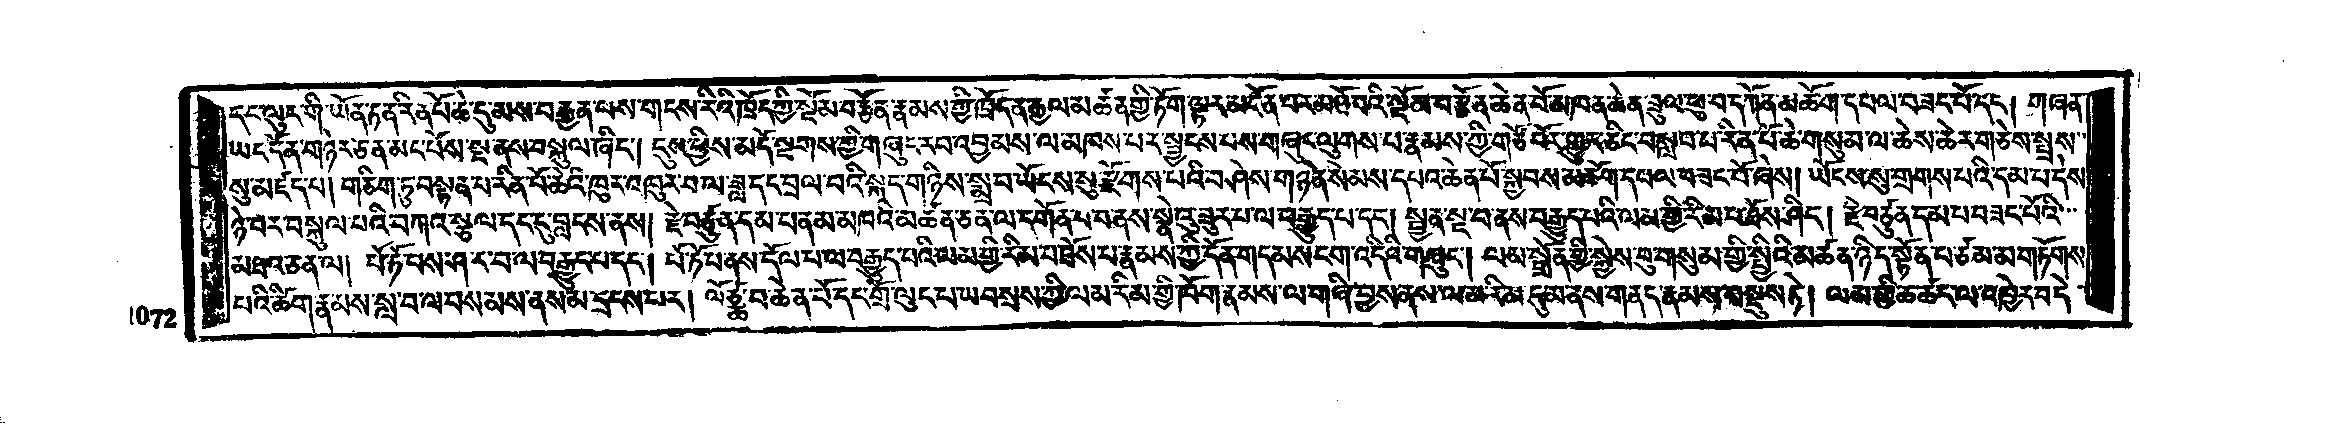དང་ལུང་གི་ཡོན་ཏན་རིན་པོ་ཆེ་དུ་མས་བརྒྱན་པས་གངས་རིའི་ཁྲོད་ཀྱི་སྡོམ་བརྩོན་རྣམས་ཀྱི་ཁྲོད་ན་རྒྱལ་མཚན་གྱི་ཏོག་ལྟར་མངོན་པར་མཐོ་བའི་སྡོམ་བརྩོན་ཆེན་པོ་མཁན་ཆེན་ཟུལ་ཕུ་བ་དཀོན་མཆོག་དཔལ་བཟང་པོ་དང་། གཞན་
ཡང་དོན་གཉེར་ཅན་མང་པོས་སྔ་ནས་བསྐུལ་ཞིང་། དུས་ཕྱིས་མདོ་སྔགས་ཀྱི་གཞུང་རབ་འབྱམས་ལ་མཁས་པར་སྦྱངས་པས་གཞུང་ལུགས་པ་རྣམས་ཀྱི་གཙོ་བོར་གྱུར་ཅིང་བསླབ་པ་རིན་པོ་ཆེ་གསུམ་ལ་ཆེས་ཆེར་གཅེས་སྤྲས་
སུ་མཛད་པ། གཅིག་ཏུ་བསྟན་པ་རིན་པོ་ཆེའི་ཁུར་འཁུར་པ་ལ་ཟླ་དང་བྲལ་བའི་སྐད་གཉིས་སྨྲ་བ་ཡོངས་སུ་རྫོགས་པའི་བཤེས་གཉེན་སེམས་དཔའ་ཆེན་པོ་སྐྱབས་མཆོག་དཔལ་བཟང་པོ་ཞེས། ཡོངས་སུ་གྲགས་པའི་དམ་པ་དེས་
ཉེ་བར་བསྐུལ་བའི་བཀའ་སྩལ་དང་དུ་བླངས་ནས། རྗེ་བཙུན་དམ་པ་ནམ་མཁའི་མཚན་ཅན་ལ་དགོན་པ་བ་ནས་སྣེའུ་ཟུར་བ་ལ་བརྒྱུད་པ་དང་། སྤྱན་སྔ་པ་ནས་བརྒྱུད་པའི་ལམ་གྱི་རིམ་པ་ཐོས་ཤིང་། རྗེ་བཙུན་དམ་པ་བཟང་པོའི་
མཐའ་ཅན་ལ། པོ་ཏོ་བས་ཤར་བ་ལ་བརྒྱུད་པ་དང་། པོ་ཏོ་བ་ནས་དོལ་པ་ལ་བརྒྱུད་པའི་ལམ་གྱི་རིམ་པ་ཐོས་པ་རྣམས་ཀྱི་དོན་གདམས་ངག་འདིའི་གཞུང་། ལམ་སྒྲོན་གྱི་སྐྱེས་བུ་གསུམ་གྱི་སྤྱིའི་མཚན་ཉིད་སྟོན་པ་ཙམ་མ་གཏོགས་
པའི་ཚིག་རྣམས་སླ་བ་ལ་བསམས་ནས་མ་དྲངས་པར། ལོཙྪ་བ་ཆེན་པོ་དང་གྲོ་ལུང་པ་ཡབ་སྲས་ཀྱི་ལམ་རིམ་གྱི་ཁོག་རྣམས་ལ་གཞི་བྱས་ནས་ལམ་རིམ་དུ་མ་ནས་གནད་རྣམས་བསྡུས་ཏེ། ལམ་གྱི་ཆ་ཚང་ལ་འཁྱེར་བདེ་